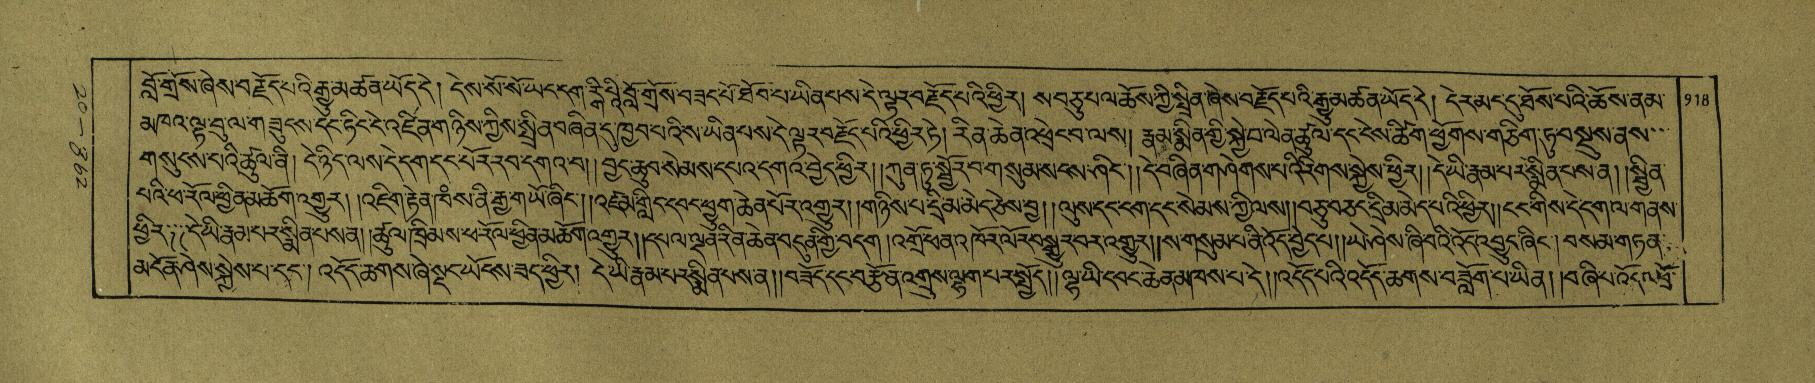བློ་གྲོས་ཞེས་བརྗོད་པའི་རྒྱུ་མཚན་ཡོད་དེ། དེས་སོ་སོ་ཡང་དག་རྒི་པཱི་བློ་གྲོས་བཟང་པོ་ཐོབ་པ་ཡིན་པས་དེ་ལྟར་བརྗོད་པའི་ཕྱིར། ས་བཅུ་པ་ལ་ཆོས་ཀྱི་སྤྲིན་ཞེས་བརྗོད་པའི་རྒྱུ་མཚན་ཡོད་དེ། དེར་མང་དུ་ཐོས་པའི་ཆོས་ནམ་
མཁའ་ལྟ་བུ་ལ་གཟུངས་དང་ཏིང་ངེ་འཛིན་གཉིས་ཀྱིས་སྤྲིན་བཞིན་དུ་ཁྱབ་པའི་ས་ཡིན་པས་དེ་ལྟར་བརྗོད་པའི་ཕྱིར་ཏེ། རིན་ཆེན་འཕྲེང་བ་ལས། རྣམ་སྨིན་གྱི་སྐྱེ་བ་ལེན་ཚུལ་དང་ངེས་ཚིག་ཕྱོགས་གཅིག་ཏུ་བསྡུས་ནས་
གསུངས་པའི་ཚུལ་ནི། དེ་ཉིད་ལས་དེ་དག་དང་པོར་རབ་དགའ་བ། །བྱང་ཆུབ་སེམས་དཔའ་དགའ་བྱེད་ཕྱིར། །ཀུན་ཏུ་སྦྱོར་བ་གསུམ་སངས་ཤིང་། །དེ་བཞིན་གཤེགས་པའི་རིགས་སྐྱེས་ཕྱིར། །དེ་ཡི་རྣམ་པར་སྨིན་པས་ན། །སྦྱིན་
པའི་ཕ་རོལ་ཕྱིན་མཆོག་འགྱུར། །འཇིག་རྟེན་ཁཾས་ནི་རྒྱ་གཡོ་ཞིང་། །འཛམ་གླིང་དབང་ཕྱུག་ཆེན་པོར་འགྱུར། །གཉིས་པ་དྲི་མ་མེད་ཅེས་བྱ། །ལུས་དང་ངག་དང་སེམས་ཀྱི་ལས། །བཅུ་བཅང་དྲི་མ་མེད་པའི་ཕྱིར། །ངང་གིས་དེ་དག་ལ་གནས་
ཕྱིར༑ ༑དེ་ཡི་རྣམ་པར་སྨིན་པས་ན། །ཚུལ་ཁྲིམས་ཕ་རོལ་ཕྱིན་མཆོག་འགྱུར། །དཔལ་ལྡན་རིན་ཆེན་བདུན་གྱི་བདག །འགྲོ་ཕན་འཁོར་ལོར་བསྒྱུར་བར་འགྱུར། །ས་གསུམ་པ་ནི་འོད་བྱེད་པ། །ཡེ་ཤེས་ཞི་བའི་འོད་འབྱུང་ཞིང་། བསམ་གཏན་
མངོན་ཤེས་སྐྱེས་པ་དང་། འདོད་ཆགས་ཞེ་སྡང་ཡོངས་ཟད་ཕྱིར། དེ་ཡི་རྣམ་པར་སྨིན་པས་ན། །བཟོད་དང་བརྩོན་འགྲུས་ལྷག་པར་སྤྱོད། །ལྷ་ཡི་དབང་ཆེན་མཁས་པ་དེ། །འདོད་པའི་འདོད་ཆགས་བཟློག་པ་ཡིན། །བཞི་པ་འོད་འཕྲོ་